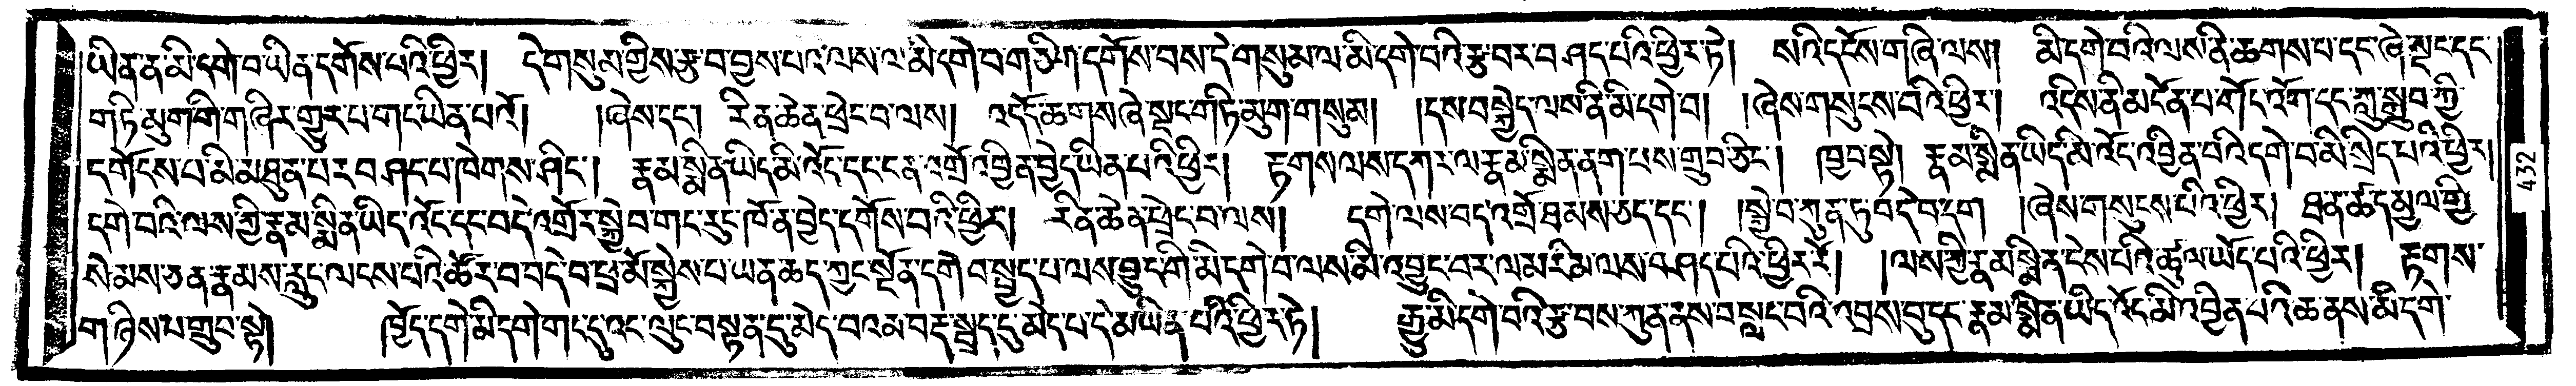ཡིན་ན་མི་དགེ་བ་ཡིན་དགོས་པའི་ཕྱིར། དེ་གསུམ་གྱིས་རྩ་བ་བྱས་པའི་ལས་ལ་མི་དགེ་བ་གཅིག་དགོས་པས་དེ་གསུམ་ལ་མི་དགེ་བའི་རྩ་བར་བཤད་པའི་ཕྱིར་ཏེ། སའི་དངོས་གཞི་ལས། མི་དགེ་བའི་ལས་ནི་ཆགས་པ་དང་ཞེ་སྡང་དང་
གཏི་མུག་གི་གཞིར་གྱུར་པ་གང་ཡིན་པའོ། །ཞེས་དང་། རིན་ཆེན་ཕྲེང་བ་ལས། འདོད་ཆགས་ཞེ་སྡང་གཏི་མུག་གསུམ། །དས་བསྐྱེད་ལས་ནི་མི་དགེ་བ། །ཞེས་གསུངས་པའི་ཕྱིར། འདིས་ནི་མངོན་པ་གོང་འོག་དང་ཀླུ་སྒྲུབ་ཀྱི་
དགོངས་པ་མི་མཐུན་པར་བཤད་པ་ཁེགས་ཤིང་། རྣམ་སྨིན་ཡིད་མི་འོང་དང་ངན་འགྲོ་འབྱིན་བྱེད་ཡིན་པའི་ཕྱིར། རྟགས་ལས་དཀར་ལ་རྣམ་སྨིན་ནག་པས་གྲུབ་ཅིང་། ཁྱབ་སྟེ། རྣམ་སྨིན་ཡིད་མི་འོང་འབྱིན་པའི་དགེ་བ་མི་སྲིད་པའི་ཕྱིར།
དགེ་བའི་ལས་ཀྱི་རྣམ་སྨིན་ཡིད་འོང་དང་བདེ་འགྲོར་སྐྱེ་བ་གང་རུང་ཁོ་ན་བྱེད་དགོས་པའི་ཕྱིར། རིན་ཆེན་ཕྲེང་བ་ལས། དགེ་ལས་བདེ་འགྲོ་ཐམས་ཅད་དང་། །སྐྱེ་བ་ཀུན་ཏུ་བདེ་བ་དག །ཞེས་གསུངས་པའི་ཕྱིར། ཐ་ན་ཚ་དམྱལ་གྱི་
སེམས་ཅན་རྣམས་རླུང་ལངས་པའི་ཚོར་བ་བདེ་བ་ཕྲ་མོ་སྐྱེས་པ་ཡན་ཆད་ཀྱང་སྔོན་དགེ་བ་སྤྱད་པ་ལས་བྱུང་གི་མི་དགེ་བ་ལས་མི་འབྱུང་བར་ལམ་རིམ་ལས་བཤད་པའི་ཕྱིར་རོ། །ལས་ཀྱི་རྣམ་སྨིན་ངེས་པའི་ཚུལ་ཡོད་པའི་ཕྱིར། རྟགས་
གཉིས་པ་གྲུབ་སྟེ། ཁྱོད་དགེ་མི་དགེ་གང་དུའང་ལུང་བསྟན་དུ་མེད་བའམ་བརྡ་སྤྲད་དུ་མེད་པ་དེ་མ་ཡིན་པའི་ཕྱིར་ཏེ། རྒྱུ་མི་དགེ་བའི་རྩ་བས་ཀུན་ནས་བསླང་བའི་འབྲས་བུ་དང་རྣམ་སྨིན་ཡིད་འོང་མི་འབྱིན་པའི་ཆ་ནས་མི་དགེ་